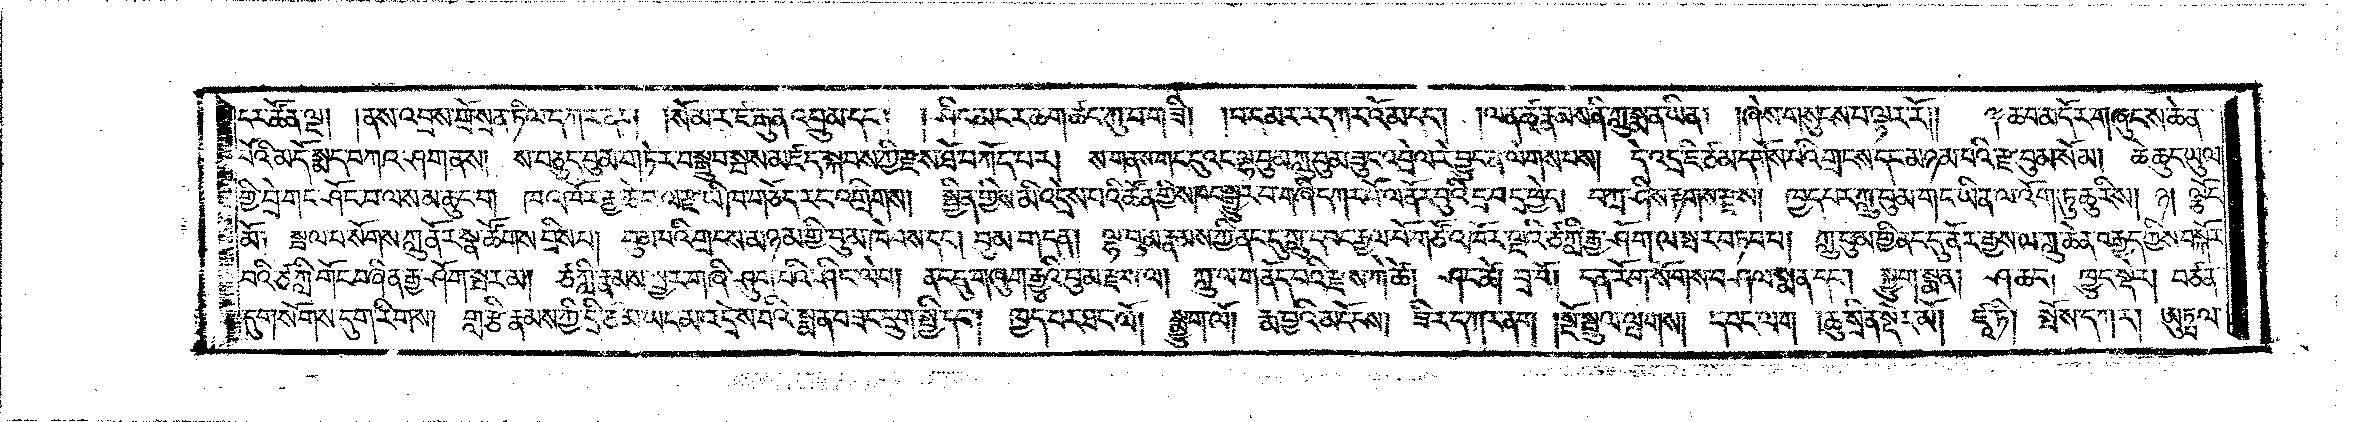དར་ཚོན་ལྔ། །ནས་འབྲས་གྲོ་སྲན་ཏིལ་དཀར་ནག །སོ་མ་ར་ཛ་རྒུན་འབྲུམ་དང་། །ཤིང་མངར་ཆག་ཚང་ཀུ་བ་གཟི། །བ་དམར་ར་དཀར་འོ་མ་དང་། །ལན་ཚྭ་རྣམས་ནི་ཀླུ་སྨན་ཡིན། །ཞེས་གསུངས་པ་ལྟར་རོ།། ༈ ཆབ་མདོར་གཞུངས་ཆེན་
པོའི་མདོ་སྨད་བཀའ་ཤག་ནས། ས་བཅུད་བུམ་གཏེར་བསྒྲུབ་སྤས་མཛད་སྐབས་ཀྱི་རྫས་ཐོ་བཀོད་པར། ས་གནས་གང་དུའང་ལྷ་བུམ་ཀླུ་བུམ་ཟུང་འབྲེལ་རེ་བྱུང་ན་ལེགས་པས། དེ་འདྲ་ཇི་ཙམ་དགོས་པའི་གྲངས་དང་མཉམ་པའི་རྫ་བུམ་སོ་མ། ཆེ་ཆུང་ཡུལ་
གྱི་བྲེ་གང་ཤོང་བ་ལས་མ་ཆུང་བ། ཁ་འཁོར་རྒྱ་ཆེ་བ་ལ་རྫ་ཡི་ཁ་གཅོད་རང་འགྲིགས། སྦྱིན་གྱིས་མི་འདྲེས་པའི་ཚོན་གྱིས་ཁ་བསྒྱུར་བ་གཞི་དཀར་པོ་ལ་ནོར་བུའི་དྲ་བ་དྲ་ཕྱེད། བཀྲ་ཤིས་རྟགས་རྫས། ཁྱད་པར་ཀླུ་བུམ་གང་ཡིན་ལ་འོག་ཏུ་ཆུ་རིས། ཉ། ལྕོང་
མོ༑ སྦལ་པ་སོགས་ཀླུ་ནོར་སྣ་ཚོགས་བྲིས་པ། བུམ་པའི་གྲངས་མཉམ་གྱི་བུམ་ཁེབས་དང་། བུམ་གདན། ལྷ་བུམ་རྣམས་ཀྱི་ནང་དུ་ཀླུ་དབང་རྒྱལ་པོ་གཙོ་འཁོར་ལྔའི་ཙཀཱཾ་རྒྱ་ཤོག་ལ་སྤར་བཏབ་པ། ཀླུ་བུམ་གྱི་ནང་དུ་ནོར་རྒྱས་ལ་ཀླུ་ཆེན་བརྒྱད་ཀྱིས་བསྐོར་
བའི་ཙཀླི་གོང་བཞིན་རྒྱ་ཤོག་སྤར་མ། ཙཀླི་རྣམས་སྦྱར་གཞི་ཤུག་པའི་ཤིང་ལེབ། ནང་དུ་གཞུག་རྒྱུའི་བུམ་རྫས་ལ། ཀླུ་ལ་གནོད་པའི་རྫས་ཀེ་ཚེ། ཤང་ཚེ། བྲ་བོ། དན་རོག་སོགས་བཤལ་སྨན་དང་། སྐྱུག་སྨན། ཤ་ཆང་། ཁྱུང་སྡེར། བཙན་
ཕ༹དུག་སོགས་དུག་རིགས། གླ་རྩི་རྣམས་ཀྱི་དྲི་ཙམ་ཡང་མ་འདྲེས་བའི་སྨན་བཟང་དྲུག་སྤྱི་དང་། ཁྱད་བར་ཐང་ལོ། སྨྱུག་ལོ། རྨ་བྱའི་མདོངས། ཟིར་དཀར་ནག །སྔོ་སྦྲུལ་ལྤགས། དབང་ལག །ཆུ་སྲིན་སྡེར་མོ། ཛཱ་ཏི། སྤོས་དཀར། ཨུཏྤལ་